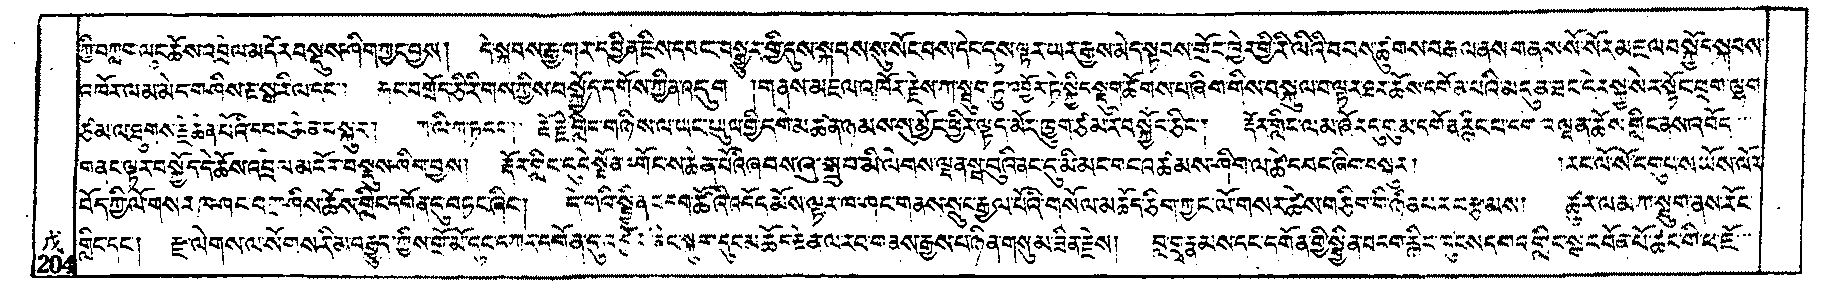ཀྱི་བཀླག་ལུང་ཆོས་འབྲེལ་མདོར་བསྡུས་ཤིག་ཀྱང་བྱས། དེ་སྐབས་རྒྱ་གར་དབྱིན་ཇིས་དབང་བསྒྱུར་གྱི་དུས་སྐབས་སུ་སོང་བས་དེང་དུས་ལྟར་ཡར་རྒྱས་མེད་སྟབས་གྲོང་ཁྱེར་གྱི་རི་ལིའི་བབས་ཚུགས་བརྒལ་ནས་གནས་སོ་སོར་མཇལ་བསྐྱོད་སྐབས་
འཁོར་ལམ་མེད་གཤིས་རྟ་སྒ་རིལ་དང་། རྐང་བགྲོད་ཅི་རིགས་ཀྱིས་བསྐྱོད་དགོས་ཀྱིན་འདུག །གནས་མཇལ་འཁོར་རྗེས་ཀ་སྦུག་ཏུ་འབྱོར་ཏེ་སྐྱིད་སྡུག་ཚོགས་པ་ཞིག་གིས་བསྐུལ་བ་ལྟར་ཐར་ཆོས་དགོན་པའི་མདུན་ཐང་དེར་སྐྱ་སེར་སྟོང་ཕྲག་ལྷག་
ཙམ་ལ་ཐུགས་རྗེ་ཆེན་པོའི་དབང་ཆེན་བསྐུར། ཀ་ལི་ཀ་ཏ་དང་། རྡོ་རྗེ་གླིང་གཉིས་ལ་ཡང་ཡུལ་གྱི་དགེ་མཚན་ཉམས་སུ་མྱོང་ཕྱིར་ལྟད་མོར་ཁྱུག་ཙམ་རི་བསྐྱོད་ཅིང་། རྡོར་གླིང་ལམ་ཞོར་དུ་གུམ་དགོན་རྙིང་པ་དགའ་ལྡན་ཆོས་གླིང་ནས་འབོད་
གནང་ལྟར་བསྐྱོད་དེ་ཆོས་འབྲེལ་མདོར་བསྡུས་ཤིག་བྱས། རྡོར་གླིང་དུ་དེ་སྔོན་༧གོང་ས་ཆེན་པོའི་ཞབས་ཞུ་སྒྲུབ་མི་ལེགས་ལྡན་སྦ་བུའི་ནང་དུ་མི་མང་གང་འཚམས་ཤིག་ལ་ཚེ་དབང་ཞིག་བསྐུར། །རང་ལོ་སོ་དགུ་པ་ས་ཡོས་ལོར་
བོད་ཀྱི་ལོ་གསར་ཁ་ཤང་བཀྲ་ཤིས་ཆོས་གླིང་དགོན་དུ་བཏང་ཞིང་། དེ་གའི་སྦྱིན་བདག་ཚོའི་འདོད་མོས་ལྟར་ཁ་ཤང་གནས་སྲུང་རྒྱལ་པོའི་གསོལ་མཆོད་ཅིག་ཀྱང་ལོ་གསར་ཚེས་གཅིག་གི་ཉིན་པར་བརྩམས། ཚུར་ལམ་ཀ་སྦུག་ནས་རོང་
གླིང་དང་། རྫ་ལེགས་ལ་སོགས་རིམ་བརྒྱུད་ཀྱིས་གྲོ་མོ་དུང་དཀར་དགོན་དུ་འབྱོར་ཞིང་སྐུ་གདུང་མཆོད་རྟེན་ལ་རབ་གནས་རྒྱས་པ་ཉིན་གསུམ་ཟིན་རྗེས། བླ་གྲྭ་རྣམས་དང་དགོན་གྱི་སྦྱིན་བདག་རྙིང་ཁུངས་དགའ་གླིང་སྒང་བོན་པོ་ཚང་གི་ཕ་ཇོ་